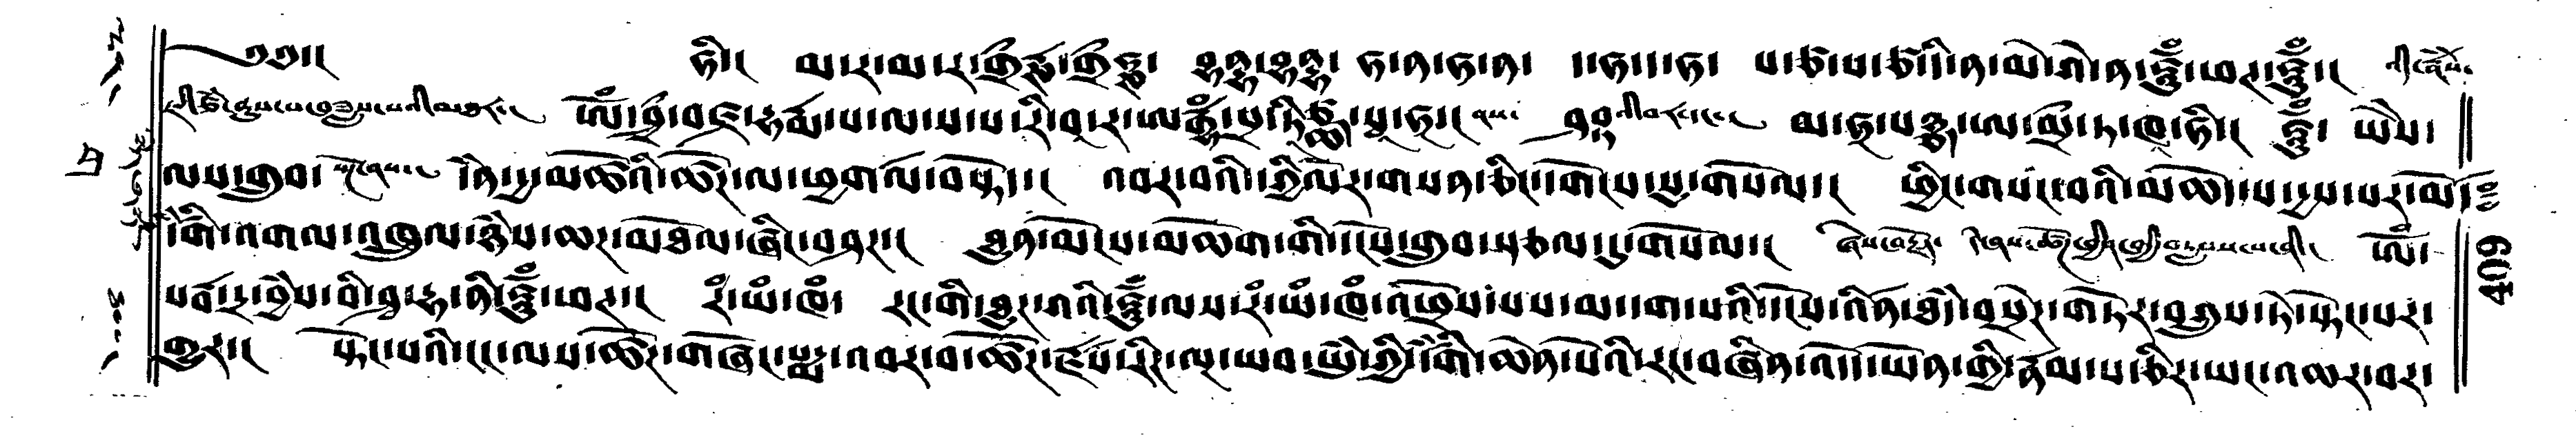ཧིཿ མ་ར་མ་ར་གྲྀཧྞ་གྲྀཧྞཿ བྷནྡྷ་བྷནྡྷཿ ཧ་ན་ཧ་ནཿ ད་ཧ་ད་ཧཿ པ་ཙ་པ་ཙ་དི་ན་མེ་ཀེ་ན་ཧཱུྃ་ཕཊཿཧཱུྃཿ འདི་རྣམས་
ཇི་ཙམ་ནུས་པ་བཟླས་པའི་མཐར། ཨོཾ་ཤྲཱི་བཛྲ་དྷརྨ་པ་ལ་ས་པ་རི་བཱ་ར་ཨརྒྷཾ་པྲ་ཏཱིཙྪ་སྭ་ཧཱ་ནས་ཤབྟ འི་བར་དང་། མ་ཧཱ་པཉྩ་ཨ་མྲྀ་ཏ་ཁཱ་ཧིཿ ཧཱུྃ། ཡེ་ཤེས་
ལས་གྲུབ་སོགས་ནས་དམ་ཅན་རྒྱ་མཚོའི་ཚོགས་ལ་ཕྱག་འཚལ་བསྟོད། །འབར་བའི་དཀྱིལ་འཁོར་གསན་ཅིང་དགོངས་སུ་གསོལ། །ཕྱི་ནང་གསང་བའི་མཆོད་པ་རྒྱས་པར་མཛོད། །
དམ་ཚིག་འགལ་འཁྲུལ་ཉམས་ཆག་མཐོལ་ཞིང་བཤགས། །ཐུན་མོང་མཆོག་གི་དངོས་གྲུབ་སྩལ་དུ་གསོལ། ཞེས་རྗོད། དེ་ནས་ཚོགས་བྱིན་གྱི་རློབ་པ་ནི། ཨོཾ། 
སརྦ་དྲ་བྱམས་བི་ཤྭ་དྷ་ནི་ཧཱུྃ་ཕཊཿ རཾ་ཡཾ་ཁཾ། རང་གི་ཐུགས་ཀའི་ཧཱུྃ་ལས་རཾ་ཡཾ་ཁཾ་འཕྲོས་པས་མ་དག་པའི་དངོས་འཛིན་ཐམས་ཅད་བསྲེགས་གཏོར་བཀྲུས་ཏེ་སྟོང་པར་
གྱུར། སྟོང་པའི་ངང་ལས་ཚོགས་གཞོང་པདྨ་འབར་བ་ཚོགས་རྫས་རིགས་ལྔ་ཡབ་ཡུམ་ཀྱི་དམ་ཚིག་ཆེན་པོའི་རང་བཞིན་འདོད་ཡོན་གྱི་རྣམ་པ་ཅིར་ཡང་འཆར་བར་